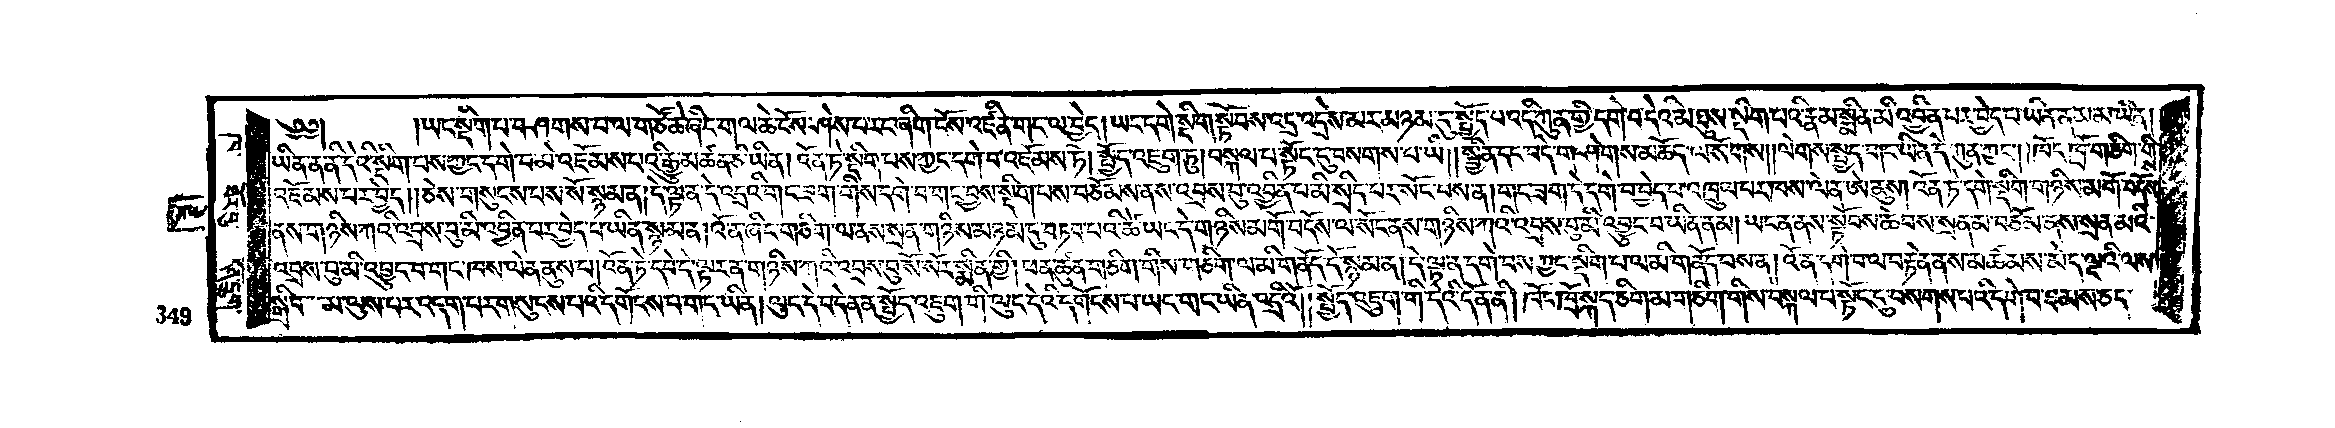༄༅། །ཡང་སྡིག་པ་བཤགས་པ་ལ་གཙོ་ཆེ་ཞིང་གལ་ཆེ་ངོས་ཤེས་པ་རང་ཞིག་ངོས་འཛིན་གང་ལ་བྱེད། ཡང་དགེ་སྡིག་སྟོབས་འདྲ་འདྲེས་མར་མཉམ་དུ་སྤྱོད་པ་འདི་ཀུན་གྱི་དགེ་བ་དེའི་མཐུས་སྡིག་པའི་རྣམ་སྨིན་མི་འབྱིན་པར་བྱེད་པ་ཡིན་ནམ་མ་ཡིན།
ཡིན་ན་ནི་དེའི་སྡིག་པས་ཀྱང་དགེ་བ་མི་འཇོམས་པའི་རྒྱུ་མཚན་ཅི་ཡིན། འོན་ཏེ་སྡིག་པས་ཀྱང་དགེ་བ་འཇོམས་ཏེ། སྤྱོད་འཇུག་ཏུ། བསྐལ་པ་སྟོང་དུ་བསགས་པ་ཡི། །སྦྱིན་དང་བདེ་གཤེགས་མཆོད་ལ་སོགས། །ལེགས་སྤྱད་གང་ཡིན་དེ་ཀུན་ཀྱང་། །ཁོང་ཁྲོ་གཅིག་གིས་
འཇོམས་པར་བྱེད། །ཅེས་གསུངས་པས་སོ་སྙམ་ན། དེ་ལྟ་ན་དེ་འདྲའི་གང་ཟག་གིས་དགེ་བ་གང་བྱས་སྡིག་པས་བཅོམས་ནས་འབྲས་བུ་འབྱིན་པ་མི་སྲིད་པར་སོང་བས་ན། གང་ཟག་དེ་དགེ་བ་བྱེད་པ་འཁྲུལ་པར་ཁས་ལེན་ཨེ་ནུས། འོན་ཏེ་དགེ་སྡིག་གཉིས་མགོ་བདོས་
ནས་གཉིས་ཀའི་འབྲས་བུ་མི་འབྱིན་པར་བྱེད་པ་ཡིན་སྙམ་ན། འོ་ན་ཞིང་གཅིག་ལ་ནས་སྲན་གཉིས་མཉམ་དུ་བཏབ་པའི་ཚེ་ཡང་དེ་གཉིས་མགོ་བདོས་ལ་སོང་ནས་གཉིས་ཀའི་འབྲས་བུ་མི་འབྱུང་བ་ཡིན་ནམ། ཡང་ན་ནས་སྟོབས་ཆེ་བས་སྲན་མ་བཅོམ་ནས་སྲན་མའི་
འབྲས་བུ་མི་འབྱུང་བ་གང་ཁས་ལེན་ནུས་པ། འོན་ཏེ་དཔེ་དེ་ལྟར་ན་གཉིས་ཀའི་འབྲས་བུ་སོ་སོར་སྨིན་གྱི། ཕན་ཚུན་གཅིག་གིས་གཅིག་ལ་མི་གནོད་དོ་སྙམ་ན། དེ་ལྟ་ན་དགེ་བས་ཀྱང་སྡིག་པ་ལ་མི་གནོད་པས་ན། འོ་ན་དགེ་བ་ལ་བརྟེན་ནས་མཚམས་མེད་ལྔའི་ལས་
སྒྲིབ་མ་ལུས་པར་འདག་པར་གསུངས་པའི་དགོངས་པ་གང་ཡིན། ལུང་དེ་བདེན་ན་སྤྱོད་འཇུག་གི་ལུང་དེའི་དགོངས་པ་ཡང་གང་ཡིན་འདྲིའོ། །སྤྱོད་འཇུག་གི་དེའི་དོན་ནི། ཁོང་ཁྲོ་སྐད་ཅིག་མ་གཅིག་གིས་བསྐལ་པ་སྟོང་དུ་བསགས་པའི་དགེ་བ་ཐམས་ཅད་